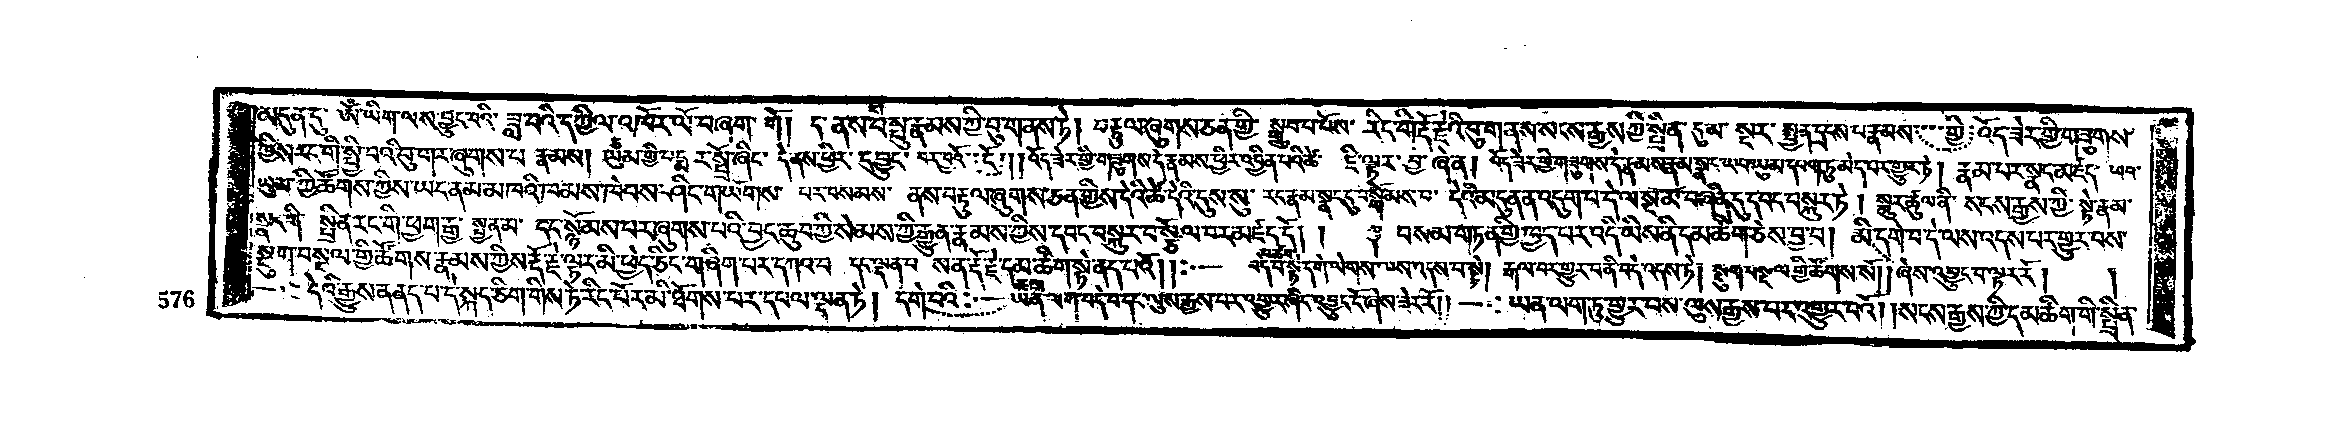མདུན་དུ་ཨོཾ་ཡིག་ལས་བྱུང་བའི་ཟླ་བའི་དཀྱིལ་འཁོར་ལ་བཞག་གོ། དེ་ནས་བི་སྤུ་རྣམས་ཀྱི་བུ་ག་ནས་ཏེ། ཁ྄་བརྟུལ་ཞུགས་ཅན་གྱི་སྒྲུབ་པ་པོས་རིང་གི་རྡོ་རྗེའི་བུ་གནས་ཀ྄་སངས་རྒྱས་ཀྱི་སྤྲིན་དུ་མ་སྔར་སྤྱན་དྲངས་པ་རྣམས་གྱི་འོད་ཟེར་གྱི་གཟུགས་
ཀྱིས་རང་གི་སྤྱི་བའི་བུ་གར་ཞུགས་པ་རྣམས། ཙ་ཡུམ་གྱི་པདམར་སྤྲོ་ཞིང་དེ་ནས་ཕྱིར་དབྱུང་བར་བྱའོ་ངོ། །འོད་ཟེར་གྱི་གཟུགས་དེ་རྣམས་ཕྱིར་འབྱིན་པའི་ཚེ་ཇི་ལྟར་བྱ་ཞེ་ན། འོད་ཟེར་གྱི་གཟུགས་དེ་རྣམས་རྣམ་སྣང་ཡབ་ཡུམ་དཔག་ཏུ་མེད་པར་གྱུར་ཏེ།  རྣམ་པར་སྣང་མཛད་ཡབ་
ཡུམ་གྱི་ཚོགས་ཀྱིས་ཡང་ནམ་མཁའི་ཁམས་ཁེབས་ཤིང་གཡོགས་པར་བསམས་ནས་བརྟུལ་ཞུགས་ཅན་གྱིས་དེའི་ཚེ་དེའི་དུས་སུ་རང་རྣམ་སྣང་དུ་བསྒོམས་པ་དེའི་མདུན་ན་འདུག་པ་དེ་ལ་སྔ་མ་བཞིན་དུ་དབང་བསྐུར་ཏེ། སྐུར་ཚུལ་ནི་སངས་རྒྱས་ཀྱི་སྟེ་རྣམ་
སྣང་གི་སྤྲིན་རང་གི་ཕྱག་རྒྱ་སྤྱན་མ་དང་སྙོམས་པར་ཞུགས་པའི་བྱང་ཆུབ་ཀྱི་སེམས་ཀྱི་རྒྱུན་རྣམས་ཀྱིས་དབང་བསྐུར་བ་སྩོལ་བར་མཛད་དོ། ། ༈ བསམ་གཏན་གྱི་ཁྱད་པར་འདི་ཡིས་ནི་དམ་ཚིག་ཅེས་བྱ་བ། མི་དགེ་བ་དེ་ལས་འདས་པར་གྱུར་པས་
སྡུག་བསྔལ་གྱི་ཚོགས་རྣམས་ཀྱིས་རྡོ་རྗེ་ལྟར་མི་ཕྱེད་ཅིང་གཞིག་པར་དཀའ་བ་དང་ལྡན་པས་ན་རྡོ་རྗེ་དམ་ཚིག་སྟེ་ནད་པའོ།། H.་པ་ཚབ་བདེ་བ་སྟེ་དགེ་ལེགས་ལས་འདས་པ་སྟེ། རྒལ་བར་གྱུར་བ་ནི་བདེ་འདས་ཏེ། སྡུག་བསྔལ་གྱི་ཚོགས་སོ། །ཞེས་འབྱུང་བ་ལྟར་རོ། །
.H དེའི་རྒྱུས་ནི་ནད་པ་དེ་སྐད་ཅིག་གིས་ཏེ་རིང་པོར་མི་ཐོགས་པར་དཔལ་ལྡན་ཏེ། དགེ་བའིཿ་ཆག་ཡན་ལག་བདེ་བ་དང་ལུས་རྒྱས་པར་འགྱུར་ཞིང་འབྱུང་ངོ་ཞེས་ཟེར་རོ།། .H ཡན་ལག་ཏུ་གྱུར་པས་ལུས་རྒྱས་པར་འགྱུར་པའོ། །སངས་རྒྱས་ཀྱི་དམ་ཚིག་གི་སྤྲིན་